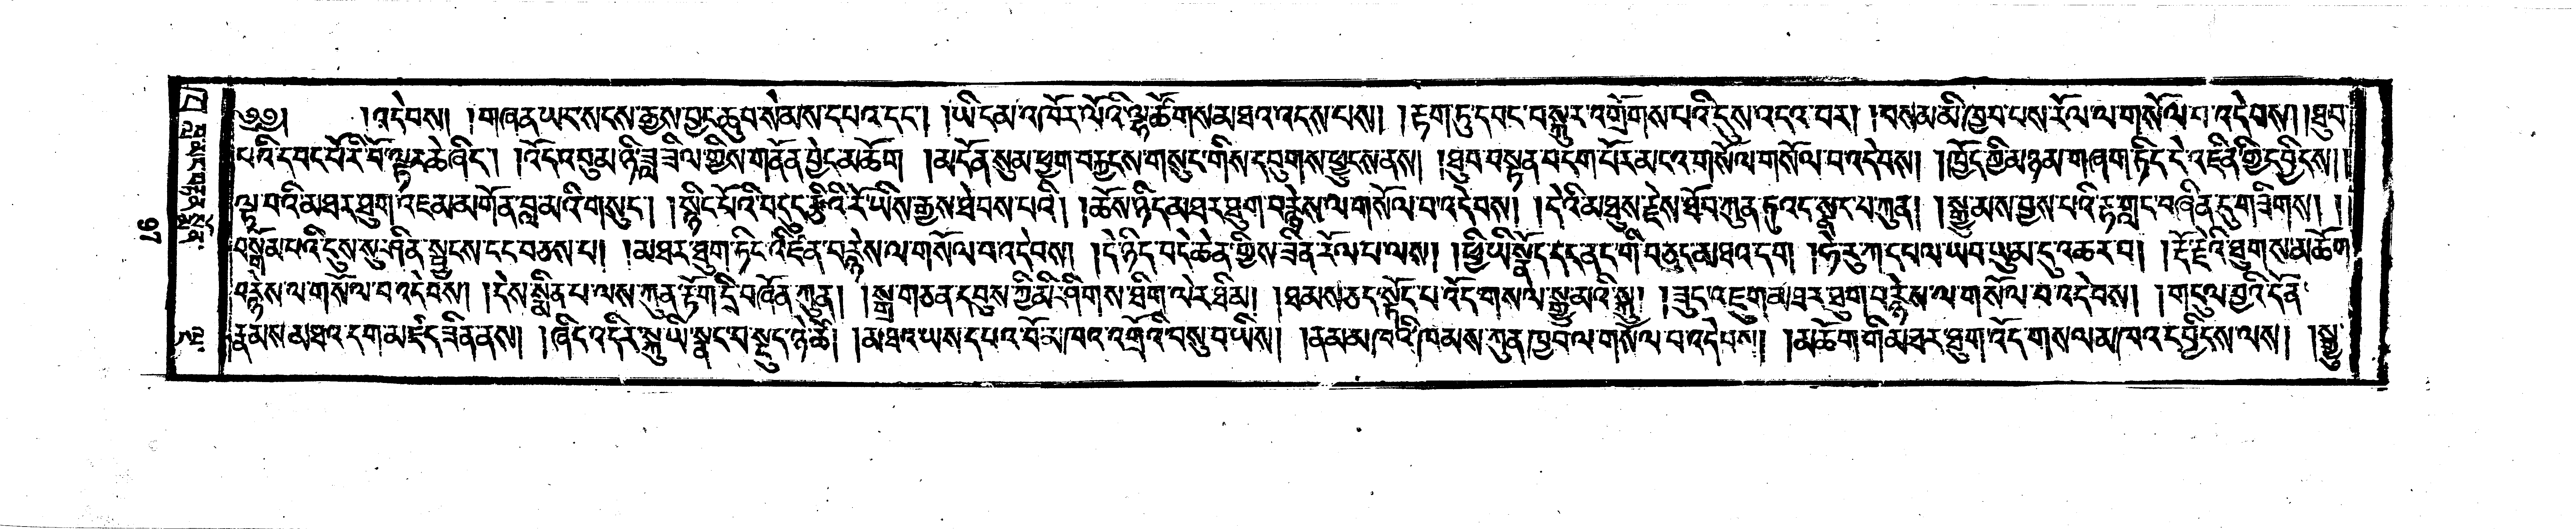༄༅། །འདེབས། །གཞན་ཡང་སངས་རྒྱས་བྱང་ཆུབ་སེམས་དཔའ་དང་། །ཡི་དམ་འཁོར་ལོའི་ལྷ་ཚོགས་མཐའ་འདས་པས། །རྟག་ཏུ་དབང་བསྐུར་འགྲོགས་པའི་དུས་འདའ་བར། །བསམ་མི་ཁྱབ་པས་རོལ་ལ་གསོལ་བ་འདེབས། །ཐུབ་
པའི་དབང་པོ་རི་བོ་ལྟར་ཆེ་ཞིང་། །འོད་འབུམ་ཉི་ཟླ་ཟིལ་གྱིས་གནོན་བྱེད་མཆོག །མངོན་སུམ་ཕྱག་བརྐྱངས་གསུང་གིས་དབུགས་ཕྱུངས་ནས། །ཐུབ་བསྟན་བདག་པོར་མངའ་གསོལ་གསོལ་བ་འདེབས། །ཁྱོད་ཀྱི་མཉམ་གཞག་ཏིང་ངེ་འཛིན་གྱི་དབྱིངས། །
ལྟ་བའི་མཐར་ཐུག་འཇམ་མགོན་བླ་མའི་གསུང་། །སྙིང་པོའི་བདུད་རྩིའི་རོ་ཡིས་རྒྱས་ཐེབས་པའི། །ཆོས་ཉིད་མཐར་ཐུག་བརྙེས་ལ་གསོལ་བ་འདེབས། །དེའི་མཐུས་རྗེས་ཐོབ་ཀུན་ཏུ་འང་སྣང་པ་ཀུན། །སྒྱུ་མས་བྱས་པའི་རྟ་གླང་བཞིན་དུ་གཟིགས། །
བསྒོམ་པའི་དུས་སུ་ཤིན་སྦྱངས་དང་བཅས་པ། །མཐར་ཐུག་ཏིང་འཛིན་བརྙེས་ལ་གསོལ་བ་འདེབས། །དེ་ཉིད་བདེ་ཆེན་གྱིས་ཟིན་རོལ་པ་ལས། །ཕྱི་ཡི་སྣོད་དང་ནང་གི་བཅུད་མཐའ་དག །ཧེ་རུ་ཀ་དཔལ་ཡབ་ཡུམ་དུ་འཆར་བ། །རྡོ་རྗེའི་ཐུགས་མཆོག་
བརྙེས་ལ་གསོལ་བ་འདེབས། །དེས་སྨིན་པ་ལས་ཀུན་རྟོག་དྲི་བཞོན་ཀུན། །སྒྲ་གཅན་དབུས་ཀྱི་མི་ཤིགས་ཐིག་ལེར་ཐིམ། །ཐམས་ཅད་སྟོད་པ་འོད་གསལ་སྒྱུ་མའི་སྐུ། །ཟུང་འཇུག་མཐར་ཐུག་བརྙེས་ལ་གསོལ་བ་འདེབས། །གདུལ་བྱའི་དོན་
རྣམས་མཐའ་དག་མཛད་ཟིན་ནས། །ཞིང་འདིར་སྐུ་ཡི་སྣང་བ་སྡུད་ཉེ་ཚེ། །མཐའ་ཡས་དཔའ་བོ་མཁའ་འགྲོའི་བསུ་བ་ཡིས། །ནམ་མཁའི་ཁམས་ཀུན་ཁྱབ་ལ་གསོལ་བ་འདེབས། །མཆོག་གི་མཐར་ཐུག་འོད་གསལ་མཁའ་དབྱིངས་ལས། །སྒྱུ་